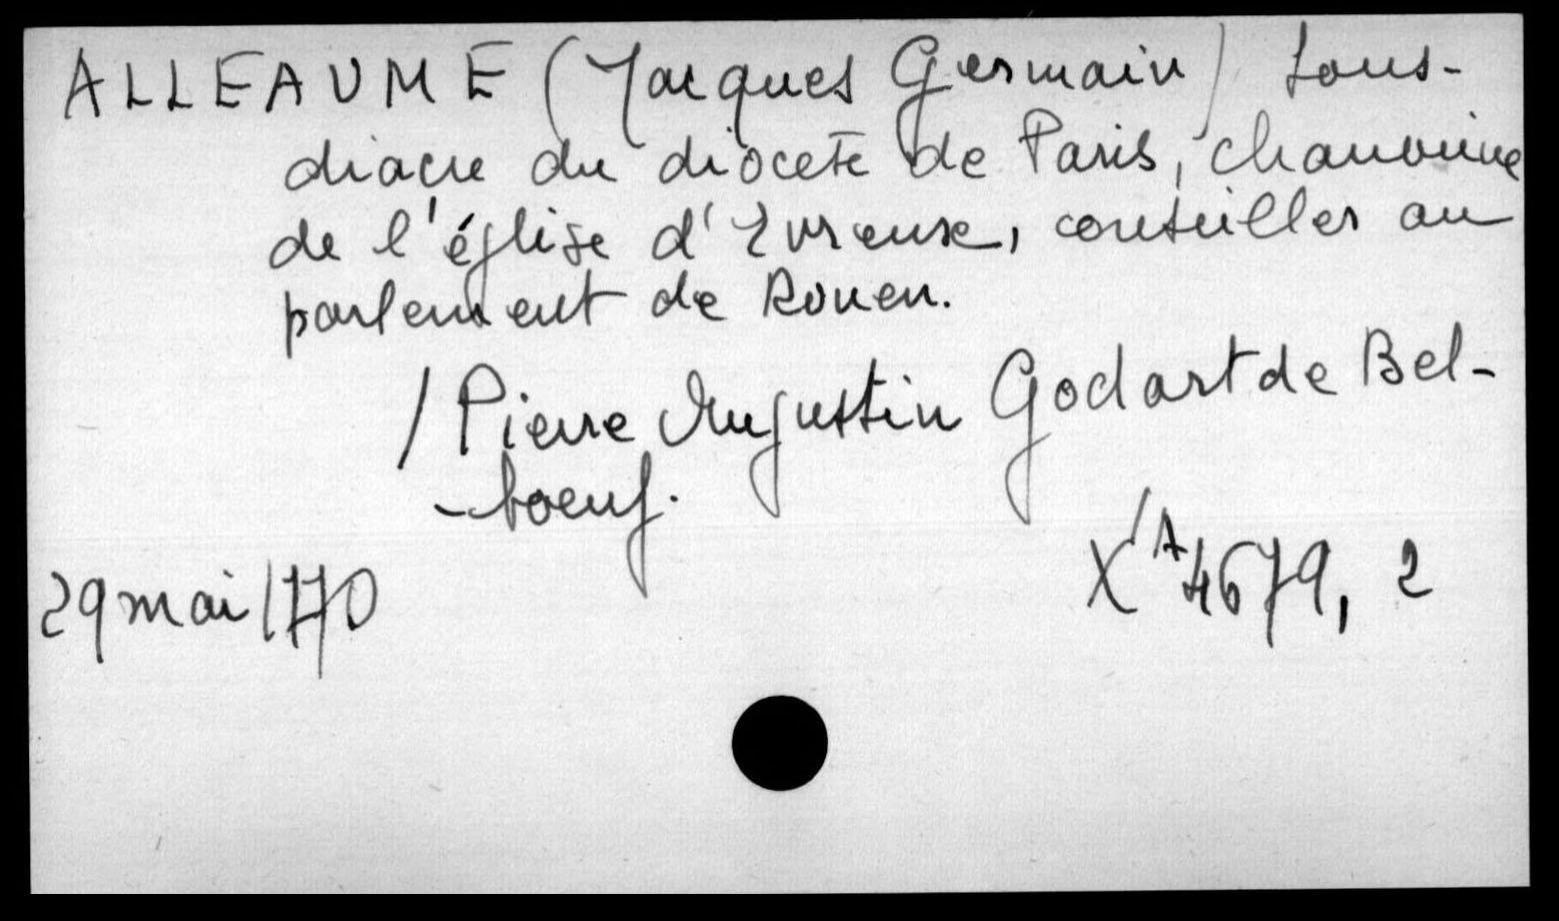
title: ALLEAUME (Jacques Germain) Sous-diacre du diocèse de Paris, chanoine de l'église d'Évreux, conseiller au parlement de Rouen.
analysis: Contre Pierre Augustin Godart de Belboeuf.
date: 29 mai 1770
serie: X1A
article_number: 4679
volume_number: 2
